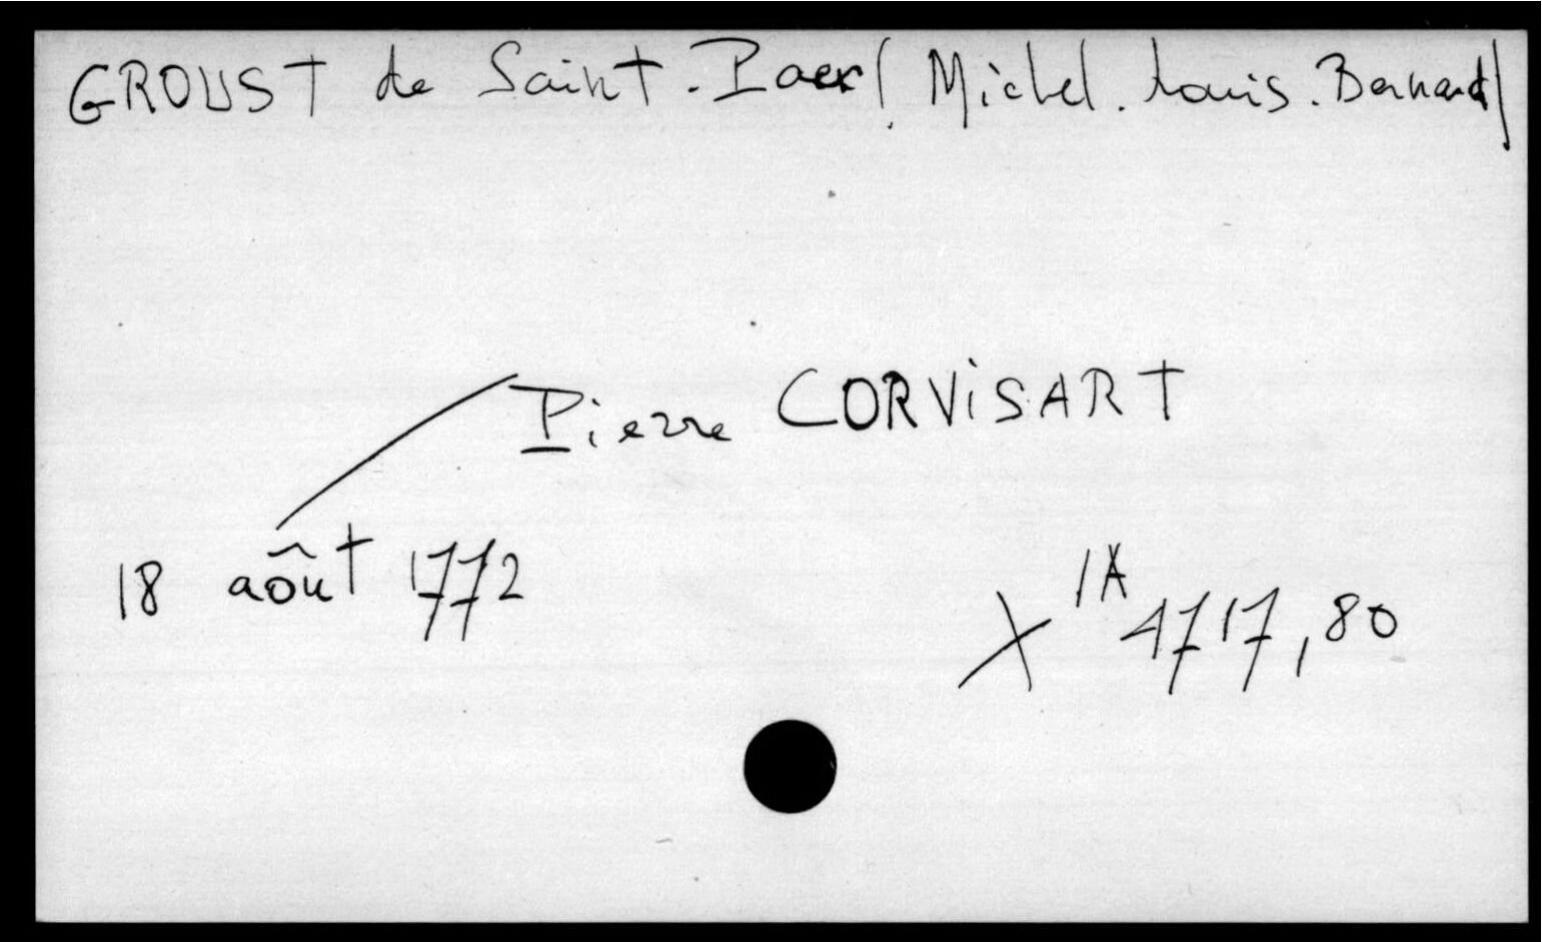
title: GROUST de Saint-Paer (Michel Louis Bernard)
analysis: Contre Pierre CORVISART
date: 18 août 1772
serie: X1A
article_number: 4717
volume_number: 80
